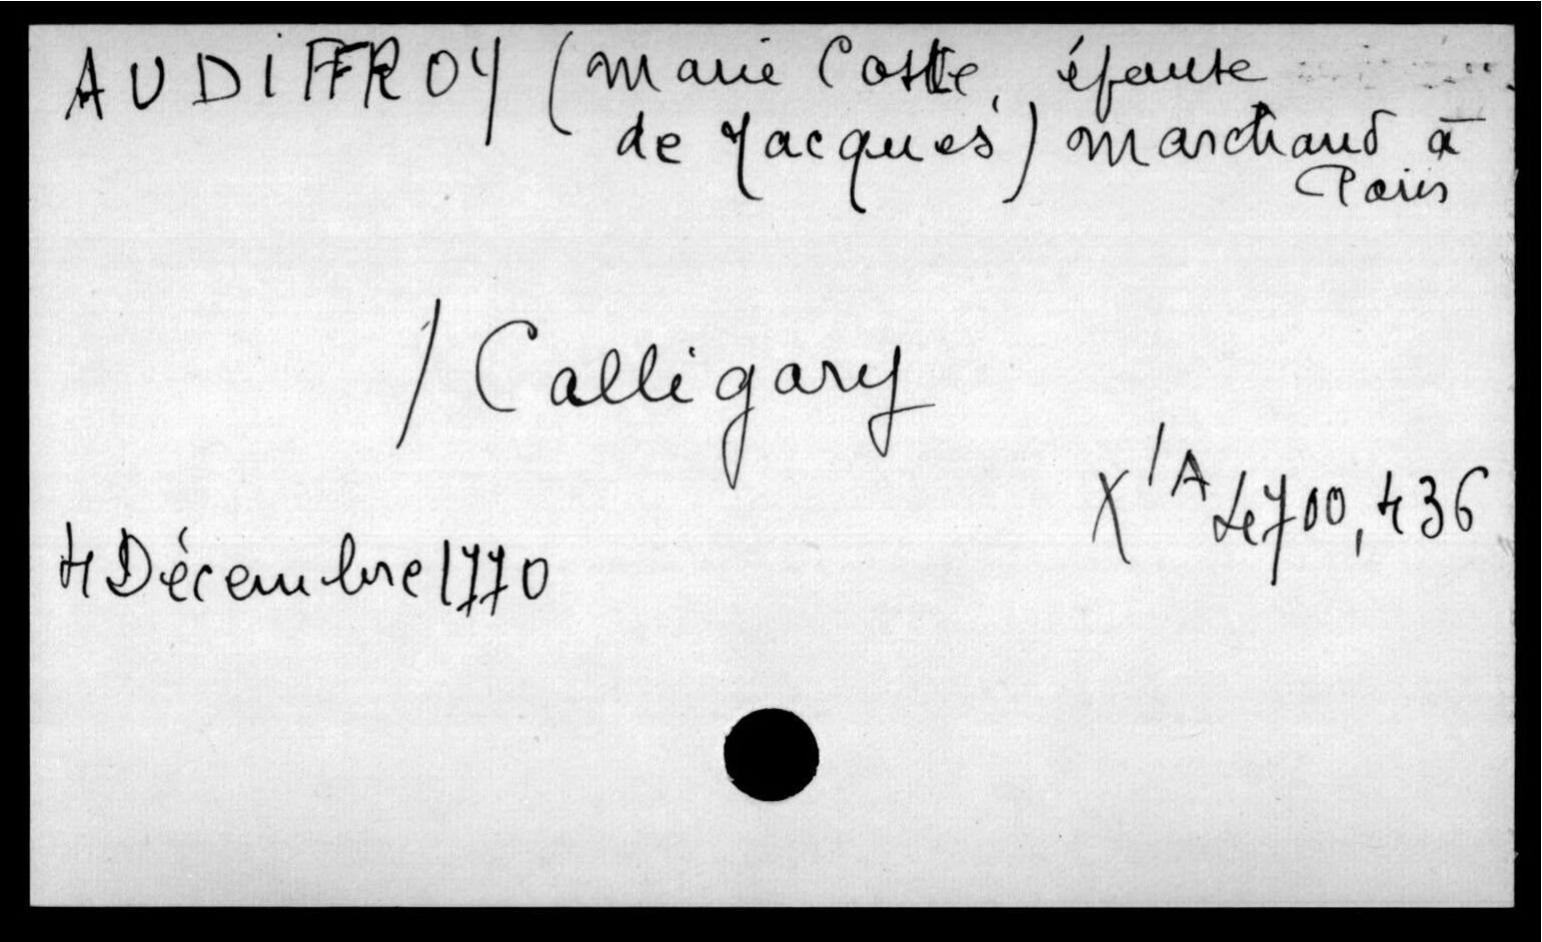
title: AUDIFFROY (Marie Coste, épouse de Jacques) marchand à Paris
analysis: Contre Calligary
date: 4 décembre 1770
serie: X1A
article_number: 4700
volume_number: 436
